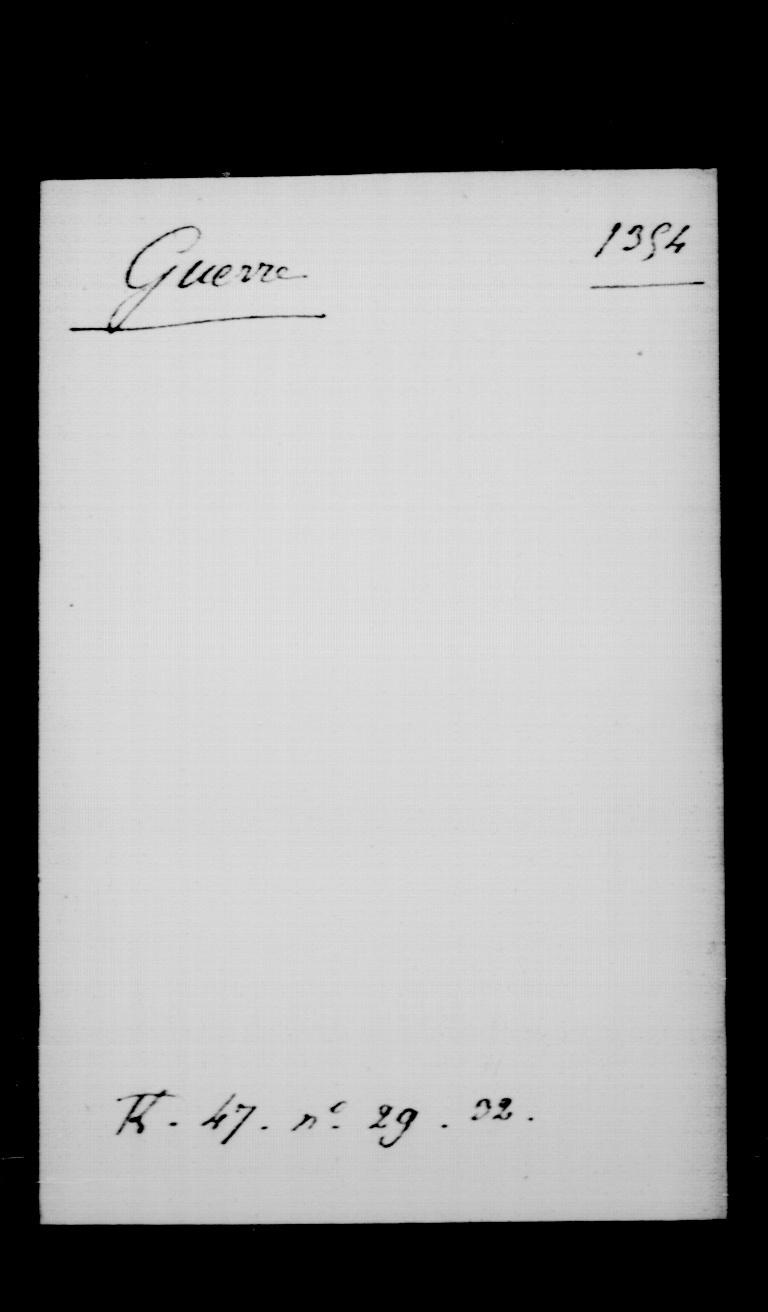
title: Guerre
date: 1354
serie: K
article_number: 47
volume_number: n° 29.32
